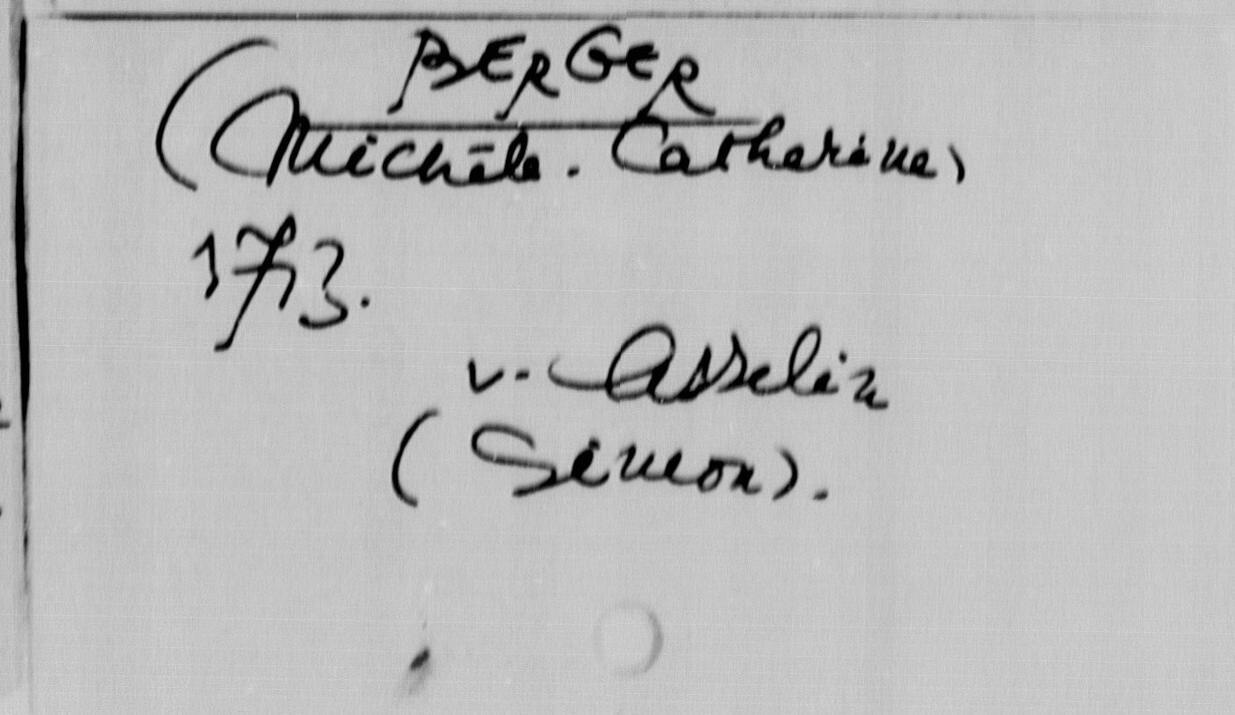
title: BERGER (Michèle-Catherine)
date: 1713
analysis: Voir : ASSELIN (Simeon)
